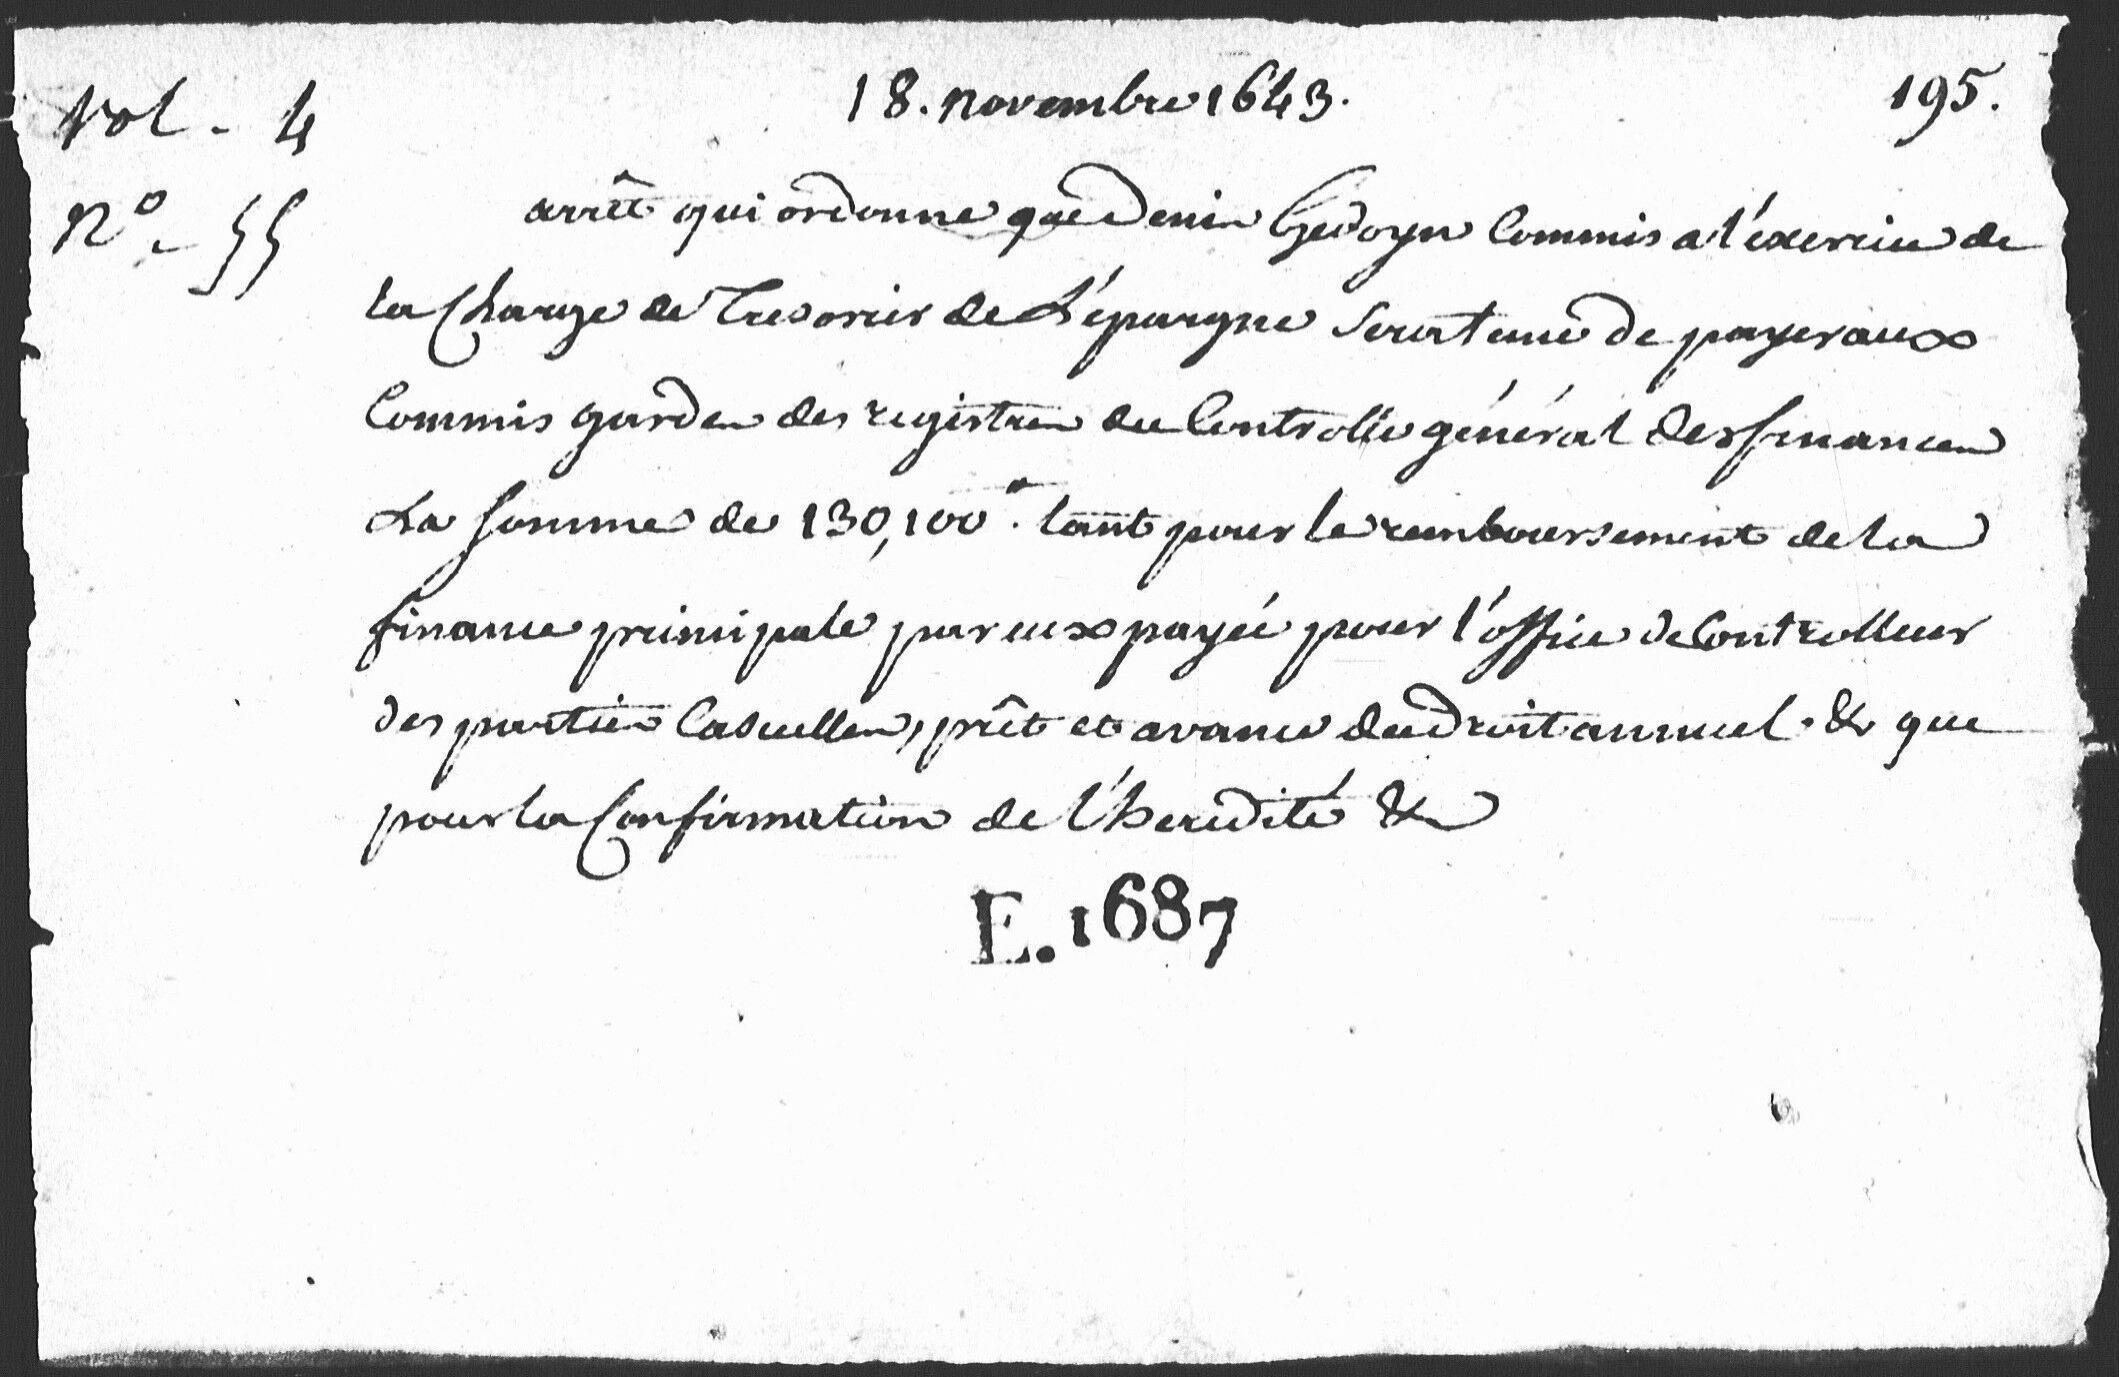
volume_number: n° 55
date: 18 novembre 1643
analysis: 195
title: Arrêt qui ordonnes que Denis Gedoyer commis à l'exercice de la charge de trésorier de l'Épargne sera tenu de payer aux commis garde des registres du controlle général des finances la somme de 130,100 livres tant pour le remboursement de la finance principales par eux payée pour l'office de controlleur des parties casuelles, prêt et avance du droit annuel et que pour la confirmation de l'hérédité, etc.
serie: E
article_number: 1687
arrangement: Volume 4
